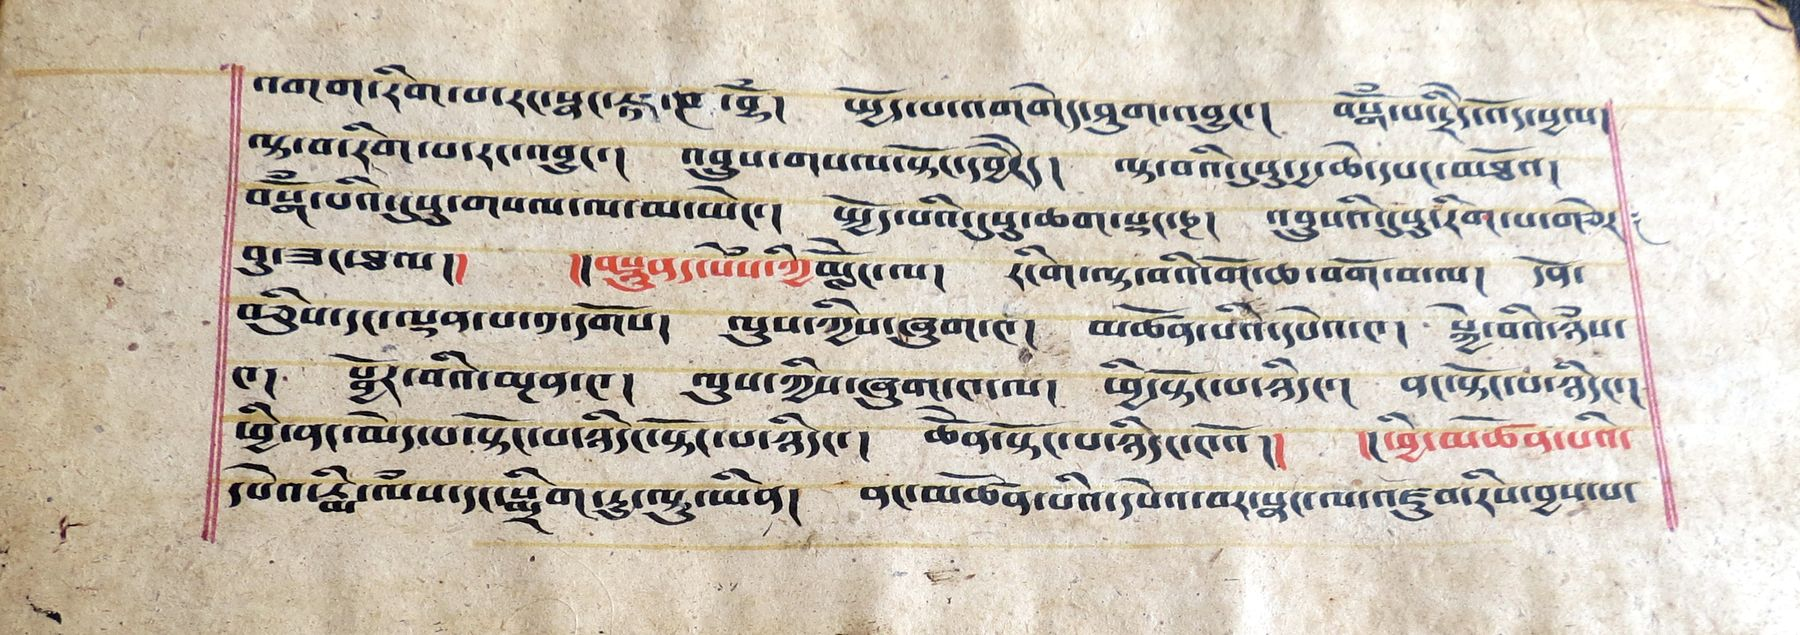འགགས་རིག་པ་རང་སྣང་རྟེན་མེད་དུ་བསྒོམ། སྤྱོད་པ་འགག་མེད་ཤུགས་འབྱུང། སྒོམ་པ་དྲི་མེད་འོད་གསལ། 
ལྟ་བ་རིག་པ་རང་ཤར། འབྲས་བུ་གསལ་སྟོང་དབྱེར་མེད། ལྟ་བའི་དུས་སུ་རྒྱ་ཆེ་དཔང་མཐོ། 
སྒོམ་པའི་དུས་སུ་གསལ་ལ་མ་ཡེངས། སྤྱོད་པའི་དུས་སུ་ཆགས་སྡང་མེད་པ། འབྲས་བུའི་དུས་སུ་རིག་པ་གཅེར་
བུ་ཟང་ཐལ། སྙན་རྒྱུད་སེམས་ཀྱི་མེ་ལོང་ལ། རང་རིག་ལྟ་བའི་གོ་ཆ་བགོ་དགོས་པ་ལ། དོན་
བཅུ་གཉིས་དང་ལྡན་པ་ཞིག་དགོས། ལུས་ཀྱི་ཞུགས་བཞི། མཚོན་པའི་དཔེ་བཞི། སྐྱེ་བའི་ཉམས་
བཞི། སྦྱོར་བའི་མན་ངག་བཞི། ལུས་ཀྱི་ཞུགས་བཞི་ལ། ཕྱི་སྟོང་པ་ཉིད་དང། ནང་སྟོང་པ་ཉིད་དང། 
ཕྱི་ནང་སྟོང་པ་ཉིད་དང། ཆེན་པོ་སྟོང་པ་ཉིད་དོ། ། མཚོན་པའི་དཔེ་བཞི་ལ། ཕྱི་མཚོན་པའི་
དཔེ་ནི། རྨི་ལམ་དང་། སྨིག་རྒྱུ་ལྟ་བུ་ཡིན། ནང་མཚོན་པའི་དཔེ་ནི། བར་སྣང་ལ་མཛུབ་རིས་བྱས་པ་